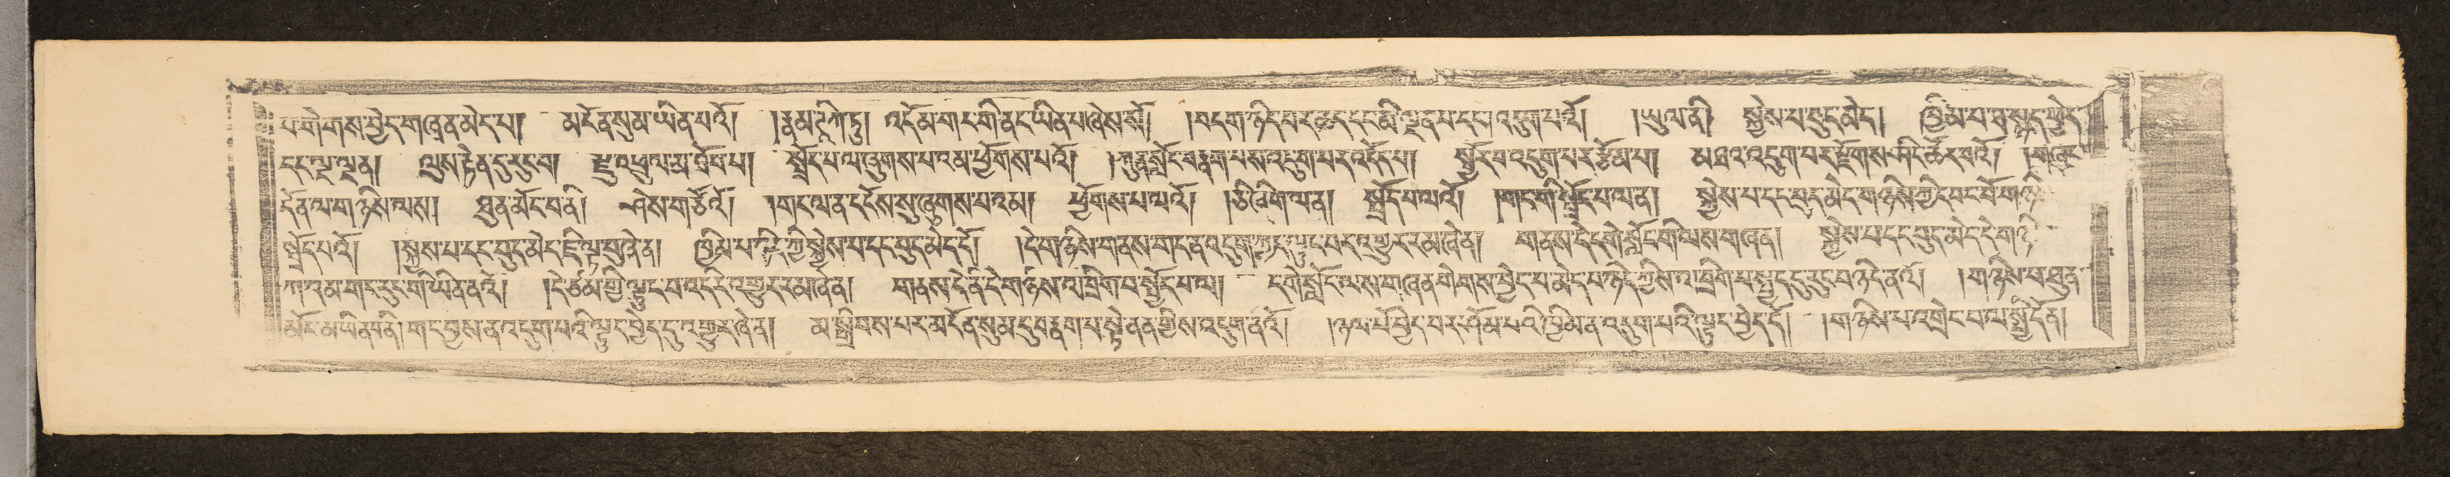པ་གེགས་བྱེད་གཞན་མེད་པ། མངོན་སུམ་ཡིན་པའོ། །ནམ་ཊཱིཀ་ཏུ། འདོམ་གང་གི་ནང་ཡིན་བཞེས་སོ། །བདག་ཉིད་བར་ཆང་དང་མི་ལྡན་པ་དང་། འདུག་པའོ། །ཡུལ་ནི། སྐྱེས་པ་བུད་མེད། ཁྱིམ་པ་ཐ་སྙད་ཕྱེད་
དང་ལྔ་ལྡན། ལུས་རྟེན་དུ་རུང་བ། རྫུ་འཕྲུལ་མ་ཐོབ་པ། སྤྲོད་པ་ལ་ཞུགས་པའམ་ཕྱོགས་པའོ། །ཀུན་སློང་བྲང་པས་འདུག་པར་འདོད་པ། སྦྱོར་བ་འདུག་པར་རྩོམ་པ། མཐའ་འདུག་པར་རྫོགས་ཤིང་ཚོར་བའོ། །གཞུང་
དོན་ལ་གཉིས་ལས། ཐུན་མོང་བ་ནི། ཤེས་གཙོའོ། །གང་ལ་ན་དངོས་སུ་ཞུགས་པའམ། ཕྱོགས་པ་ལའོ། །ཅི་ཞིག་ལ་ན། སྤྲོད་པ་ལའོ། །གང་གི་སྤྲོད་པ་ལ་ན། སྐྱེས་པ་དང་བུད་མེད་གཉིས་ཀྱི་དབང་པོ་གཉིས་
སྤྲོད་པའོ། །སྐྱེས་པ་དང་བུད་མེད་ཇི་ལྟ་བུ་ཞེ་ན། ཁྱིམ་པ་ཉིད་ཀྱི་སྐྱེས་པ་དང་བུད་མེད་དོ། །དེ་གཉིས་གནས་གང་ན་འདུག་ཀྱང་ལྟུང་བར་འགྱུར་རམ་ཞེན། གནས་དེ་དགེ་སློང་གི་ལས་གཞན། སྐྱེས་པ་དང་བུད་མེད་དེ་གཉིས་
ཀའམ་གང་རུང་གི་ཡིན་ནའོ། །དེ་ཙམ་གྱི་ལྟུང་བ་འདིར་འགྱུར་རམ་ཞེ་ན། གནས་དེ་ནི་དེ་གཉིས་འཁྲིག་པ་སྤྱོད་པ་ལ། དགེ་སློང་ལས་གཞན་གེགས་བྱེད་པ་མེད་པ་ཉིད་ཀྱིས་འཁྲིག་པ་སྤྱད་དུ་དུང་བ་ཉིད་ནའོ། །གཉིས་པ་ཐུན་
མོང་མ་ཡིན་པ་ནི། གང་བྱས་ན་འདུག་པའི་ལྟུང་བྱེད་དུ་འགྱུར་ཞེ་ན། མ་སྒྲིབས་པར་མངོན་སུམ་དུ་བརྣག་པ་སྟེ་ནན་གྱིས་འདུག་ནའོ། །ཉལ་པོ་བྱེད་པར་ཤོམ་པའི་ཁྱིམ་ན་འདུག་པའི་ལྟུང་བྱེད་དོ། །གཉིས་པ་འགྲེང་བལ་སྤྱི་དོན།